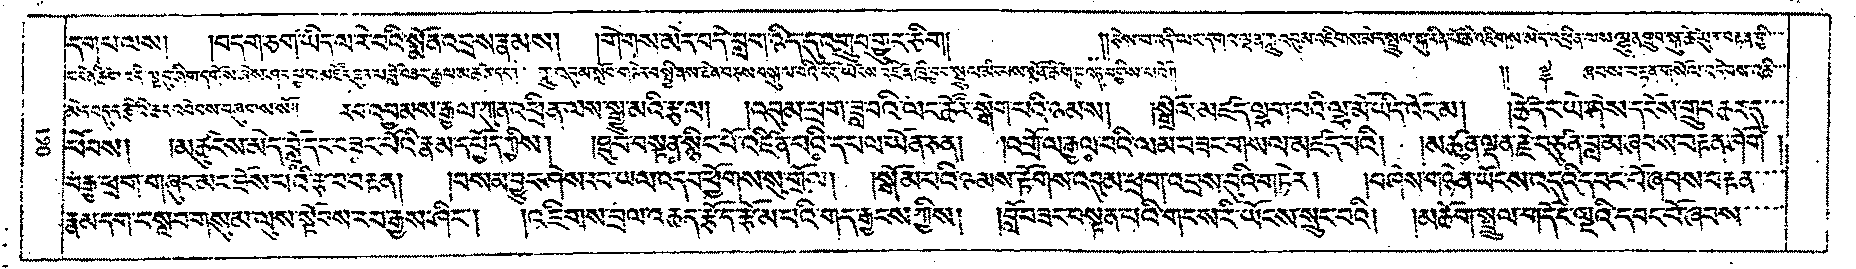དག་པ་ལས། །བདག་ཅག་ཡིད་ལ་རེ་བའི་སྨོན་འབྲས་རྣམས། །གེགས་མེད་བདེ་བླག་ཉིད་དུ་འགྲུབ་གྱུར་ཅིག ། །།ཅེས་པ་འདི་ཡང་དགའ་ལྡན་ཀླུ་འབུམ་འཇིགས་མེད་སྤྲུལ་སྐུ་རིན་པོ་ཆེ་འཇིགས་མེད་འཕྲིན་ལས་ལྷུན་གྲུབ་སྐུ་ཚེ་ཡུན་བརྟན་གྱི་
བདེན་ཚིག་འདི་ལྟ་བུ་ཞིག་དགོས་ཞེས་ཤར་ཕྱག་མཛོད་ཟུར་པ་བློ་བཟང་རྒྱལ་མཚན་དང་། ཀླུ་འབུམ་སློབ་གཉེར་བ་སྤྱི་ནས་བརྟེན་བཅས་བསྐུལ་བའི་ངོར་ཡོངས་འཛིན་ཁྲི་བྱང་སྤྲུལ་མིང་པས་སྨོན་ཚིག་ཏུ་འདུ་བགྱིས་པའོ།། །། ༈ ཞབས་བརྟན་གསོལ་འདེབས་འཆི་
མེད་བདུད་རྩིའི་ཆར་འབེབས་བཞུགས་སོ། །རབ་འབྱམས་རྒྱལ་ཀུན་འཕྲིན་ལས་སྒྱུ་མའི་རྩལ། །འབུམ་ཕྲག་ཟླ་བའི་ལང་ཚོར་སྒེག་པའི་ཉམས། །སྒྲོལ་མཛད་ལྷག་པའི་ལྷ་མོ་ཡིད་འོང་མ། །ཚེ་དང་ཡེ་ཤེས་དངོས་གྲུབ་ཆར་དུ་
ཕོབས། །མཚུངས་མེད་བློ྾་དང་བཟང྾་པོའི་རྣམ་དཔྱོད་ཀྱིས། །ཐུབ་བསྟན྾་སྙིང་པོ་འཛིན་པའི྾་དཔལ་ཡོན་ཅན། །འགྲོ་ལ་རྒྱལ྾་བའི་ལམ་བཟང་གསལ་མཛད་པའི། །མཚན྾་ལྡན་རྗེ་བཙུན་བླ་མ་ཞབས་བརྟན་ཤོག །
བརྒྱ་ཕྲག་གཞུང་མང་ཐོས་པའི་རྩ་བ་བརྟན། །བསམ་བྱུང་ཤེས་རབ་ཡལ་འདབ་ཕྱོགས་སུ་གྲོལ། །སྒོམ་པའི་ཉམས་རྟོགས་འབུམ་ཕྲག་འབྲས་བུའི་གཏེར། །བཤེས་གཉེན་ཡོངས་འདུའི་དབང་པོ་ཞབས་བརྟན་
རྣམ་དག་བསླབ་གསུམ་ལུས་སྟོབས་རབ་རྒྱས་ཤིང་། །འཇིགས་བྲལ་འཆད་རྩོད་རྩོམ་པའི་གད་རྒྱངས་ཀྱིས། །བློ་བཟང་བསྟན་པའི་གངས་རི་ཡོངས་སྲུང་བའི། །མཆོག་སྤྲུལ་གདོང་ལྔའི་དབང་པོ་ཞབས་